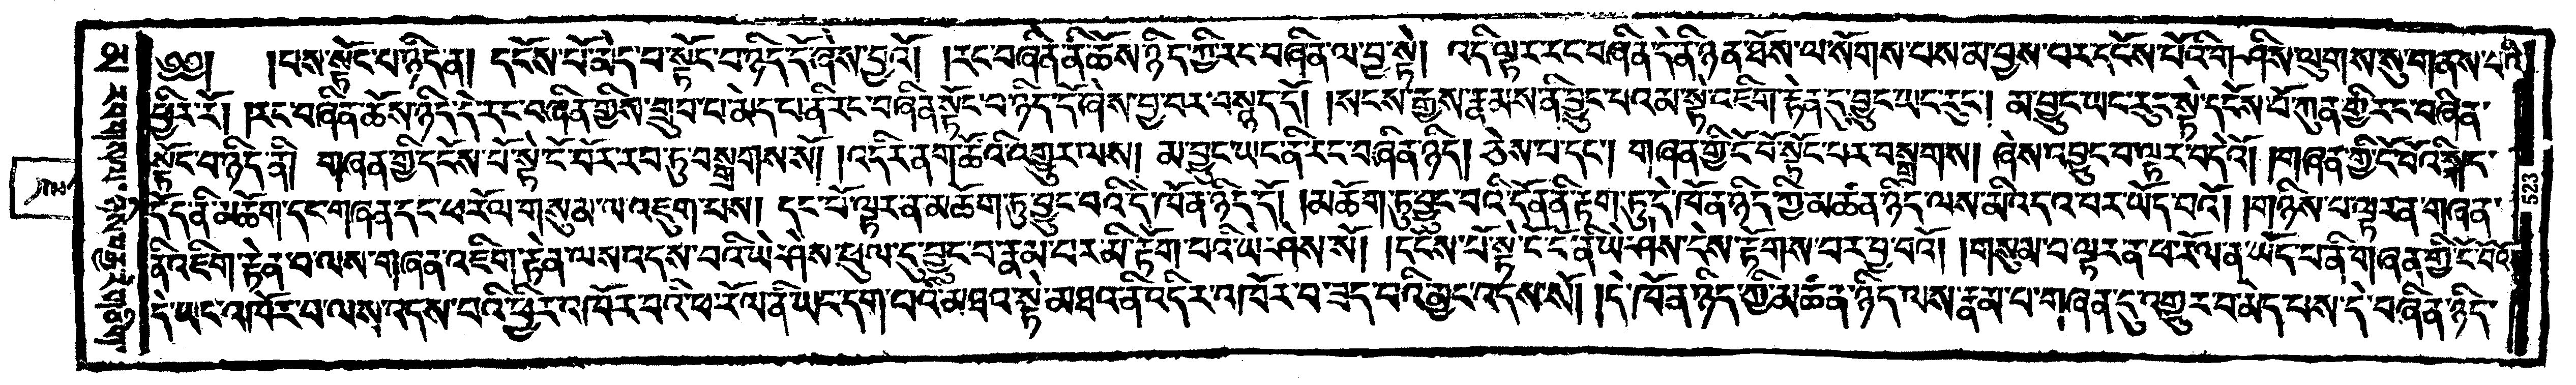༄༅། །པས་སྟོང་པ་ཉིད་ནི། དངོས་པོ་མེད་པ་སྟོང་པ་ཉིད་དོ་ཞེས་བྱའོ། །རང་བཞིན་ནི་ཆོས་ཉིད་ཀྱི་རང་བཞིན་ལ་བྱ་སྟེ། འདི་ལྟར་རང་བཞིན་དེ་ནི་ཉན་ཐོས་ལ་སོགས་པས་མ་བྱས་པར་དངོས་པོའི་གཤིས་ལུགས་སུ་གནས་པའི་
ཕྱིར་རོ། །རང་བཞིན་ཆོས་ཉིད་དེ་རང་བཞིན་གྱིས་གྲུབ་པ་མེད་པ་ནི་རང་བཞིན་སྟོང་པ་ཉིད་དོ་ཞེས་བྱ་བར་བསྙད་དོ། །སངས་རྒྱས་རྣམས་ནི་བྱུང་བའམ་སྟེ་འཇིག་རྟེན་དུ་འབྱུང་ཡང་རུང་། མ་བྱུང་ཡང་རུང་སྟེ་དངོས་པོ་ཀུན་གྱི་རང་བཞིན་
སྟོང་པ་ཉིད་ནི། གཞན་གྱི་དངོས་པོ་སྟེ་ངོ་བོར་རབ་ཏུ་བསྒྲགས་སོ། །འདིར་ནག་ཚོའི་འགྱུར་ལས། མ་བྱུང་ཡང་ནི་རང་བཞིན་ཉིད། ཅེས་པ་དང་། གཞན་གྱི་ངོ་བོ་སྟོང་པར་བསྒྲགས། ཞེས་འབྱུང་བ་ལྟར་བདེའོ། །གཞན་གྱི་ངོ་བོའི་སྐད་
དོད་ནི་མཆོག་དང་གཞན་དང་ཕ་རོལ་གསུམ་ལ་འཇུག་པས། དང་པོ་ལྟར་ན་མཆོག་ཏུ་བྱུང་བའི་དེ་ཁོ་ན་ཉིད་དོ། །མཆོག་ཏུ་བྱུང་བའི་དོན་ནི་རྟག་ཏུ་དེ་ཁོ་ན་ཉིད་ཀྱི་མཚན་ཉིད་ལས་མི་འདའ་བར་ཡོད་པའོ། །གཉིས་པ་ལྟར་ན་གཞན་
ནི་འཇིག་རྟེན་པ་ལས་གཞན་འཇིག་རྟེན་ལས་འདས་པའི་ཡེ་ཤེས་ཕུལ་དུ་བྱུང་བ་རྣམ་པར་མི་རྟོག་པའི་ཡེ་ཤེས་སོ། །དངོས་པོ་སྟེ་ངོ་བོ་ནི་ཡེ་ཤེས་དེས་རྟོགས་པར་བྱ་བའོ། །གསུམ་པ་ལྟར་ན་ཕ་རོལ་ན་ཡོད་པ་ནི་གཞན་གྱི་ངོ་བོའོ།།
དེ་ཡང་འཁོར་བ་ལས་འདས་པའི་ཕྱིར་འཁོར་བའི་ཕ་རོལ་ནི་ཡང་དག་པའི་མཐའ་སྟེ་མཐའ་ནི་འདིར་འཁོར་བ་ཟད་པའི་མྱང་འདས་སོ། །དེ་ཁོ་ན་ཉིད་ཀྱི་མཚན་ཉིད་ལས་རྣམ་པ་གཞན་དུ་འགྱུར་བ་མེད་པས་དེ་བཞིན་ཉིད་